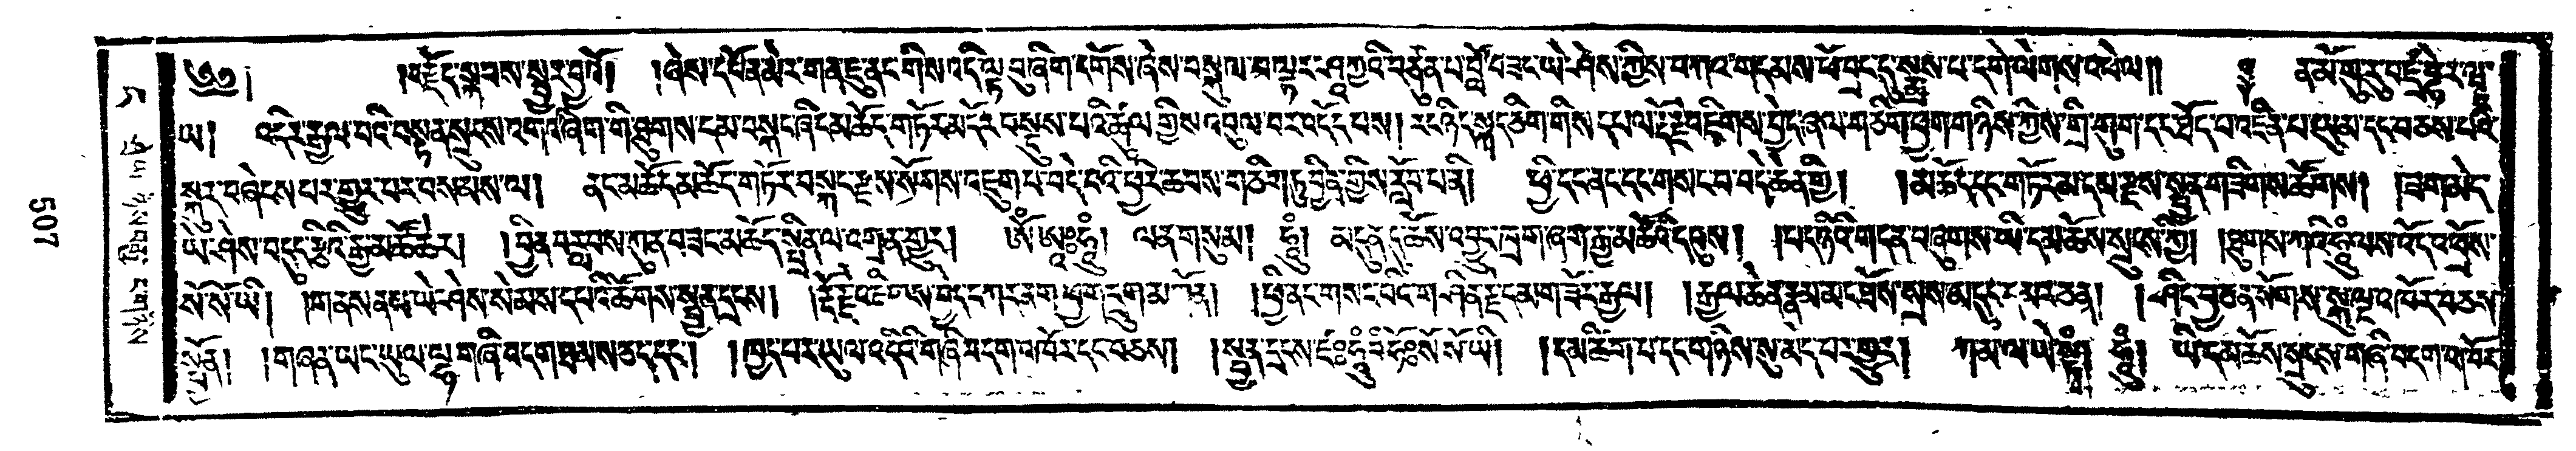༄༅། །བརྗོད་སྐབས་སྦྱར་བྱའོ། །ཞེས་དཔོན་མེར་གན་ཇུ་ནང་གིས་འདི་ལྟ་བུ་ཞིག་དགོས་ཞེས་བསྐུལ་བ་ལྟར་ཤཱཀྱའི་བཙུན་པ་བློ་བཟང་ཡེ་ཤེས་ཀྱིས་བཀའ་གདམས་ཕོ་བྲང་དུ་སྨྲས་པ་དགེ་ལེགས་འཕེལ། །༈ ན་མོ་གུ་རུ་བཛྲ་བྷེ་ར་ཝཱ་
ཡ། འདིར་རྒྱལ་བའི་བསྟན་སྲུངས་འགའ་ཞིག་གི་ཐུགས་དམ་བསྐང་ཞིང་མཆོད་གཏོར་མདོར་བསྡུས་པའི་ཚུལ་གྱིས་འབྲུལ་བར་འདོད་པས། རང་ཉིད་སྐད་ཅིག་གིས་དཔལ་རྡོ་རྗེ་འཇིགས་བྱེད་ཞལ་གཅིག་ཕྱག་གཉིས་ཀྱིས་གྲི་གུག་དང་ཐོད་པ་འཛིན་པ་ཡུམ་དང་བཅས་པའི་
སྐུར་བཞེངས་པར་གྱུར་པར་བསམས་ལ། ནང་མཆོད་མཆོད་གཏོར་བསྐང་རྫས་སོགས་འཇུག་པ་བདེ་བའི་ཕྱིར་ཆབས་གཅིག་ཏུ་བྱིན་གྱིས་རློབ་པ་ནི། ཕྱི་དང་ནང་དང་གསང་བ་བདེ་ཆེན་གྱི། །མཆོད་དང་གཏོར་མ་དམ་རྫས་སྤྱན་གཟིགས་ཚོགས། །ཟག་མེད་
ཡེ་ཤེས་བདུད་རྩིའི་རྒྱ་མཚོ་ཆེར། །བྱིན་བརླབས་ཀུན་བཟང་མཆོད་སྤྲིན་ལ་འགྲན་གྱུར། ཨོཾ་ཨཱཿཧཱུཾ། ལན་གསུམ། ཧཱུཾ། མདུན་དུ་ཆོས་འབྱུང་ཁྲག་ཞག་རྒྱ་མཚོའི་དབུས། །པད་ཉིའི་གདན་བཞུགས་ཡི་དམ་ཆོས་སྲུངས་ཀྱི། །ཐུགས་ཀའི་ཧཱུཾ་ལས་འོད་འཕྲོས་
སོ་སོ་ཡི། །གནས་ནས་ཡེ་ཤེས་སེམས་དཔའི་ཚོགས་སྤྱན་དྲངས། །རྡོ་རྗེ་འཇིགས་བྱེད་དཀར་ནག་ཕྱག་དྲུག་མགོན། །ཕྱི་ནང་གསང་བའི་གཤིན་རྗེ་དམག་ཟོར་རྒྱལ། །རྒྱལ་ཆེན་རྣམ་མང་ཐོས་སྲས་མདུང་དམར་ཅན། །ཤིང་བྱ་ཅན་སོགས་སྐུ་ལྔ་འཁོར་བཅས་
སྤྱོན། །གཞན་ཡང་ཡུལ་ལྷ་གཞི་བདག་ཐམས་ཅད་དང་། །ཁྱད་པར་ཡུལ་འདིའི་གཞི་བདག་འཁོར་དང་བཅས། །སྤྱན་དྲངས་ཛཿཧཱུཾ་བཾ་ཧོཿསོ་སོ་ཡི། །དམ་ཚིག་པ་དང་གཉིས་སུ་མེད་པར་གྱུར། ཀ་མ་ལ་ཡེ་སྟྭཾ། ཧཱུཾ། ཡི་དམ་ཆོས་སྲུངས་གཞི་བདག་འཁོར་